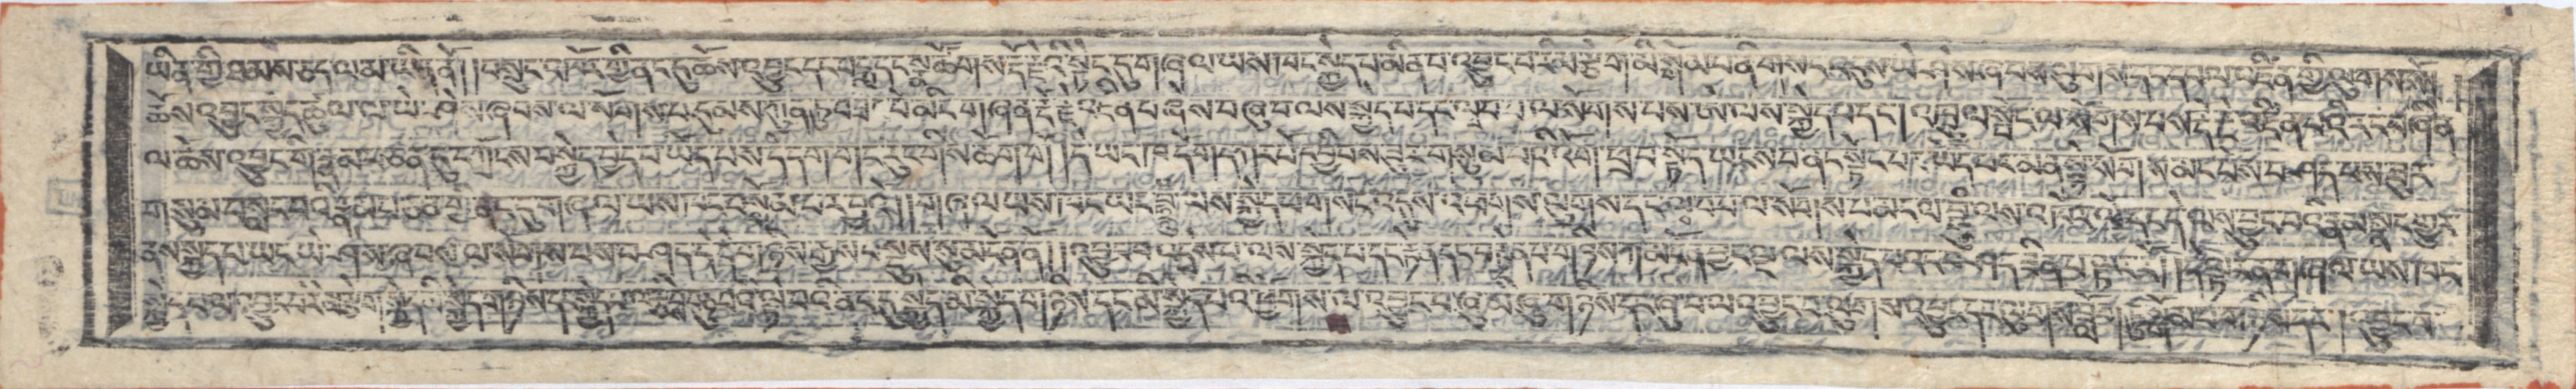ཡིན་གྱི་ཐམས་ཅད་ལ་མ་ཡིན་ནོ། །བསྲུང་འཁོར་གྱི་ནང་དུ་ཆོས་འབྱུང་དང་པདམ་དང་སྣ་ཚོགས་རྡོ་རྗེའི་སྟེང་དུ་གཞལ་ཡས་ཁང་སྐྱེད་པ་མིན་པ་འབྱུང་བ་རིམ་རྩེག་མི་སྒོམ་པ་ནི་གསང་འདུས་ཡེ་ཤེས་ཞབས་ལུགས་དང་དཔལ་འཛིན་གྱི་ལུགས་སོ། །
ཆོས་འབྱུང་སྐྱེད་ཚུལ་ལ་ཡེ་ཤེས་ཞབས་ལ་སོགས་པ་དུ་མས་ཀུན་ཏུ་བཟང་པོ་མིང་གཞན་རྡོ་རྗེ་འཛིན་པ་ཞེས་བཞུ་བ་ལས་སྐྱེད་པ་དང་ལྭ་བ་པ་ལ་སོགས་པས་ཨེ་ལས་སྐྱེད་པ་དང་། འཁྲུལ་སྤོང་ལ་སོགས་པས་རྡོ་རྗེ་འཛིན་པའི་རང་བཞིན་
ལ་ཆོས་འབྱུང་གི་རྣམ་པ་ཅན་དུ་དཀྲོངས་བསྐྱེད་བྱེད་པ་ཡོད་པས་དེ་དག་གང་རུང་གིས་ཆོག་གོ །དེ་ཡང་ཁ་དོག་དཀར་པོ་དབྱིབས་ཟུར་གསུམ་པའི་འོག་ཕྲ་བ་སྟོད་ཡངས་པ་ནང་སྟོང་པར་ཡོད་པར་མན་སྙེ་སོགས་མང་པོས་བཤད་པས་ཟུར་
གསུམ་བསླང་བའི་རྣམ་པ་ཅན་གྱི་ནང་དུ་གཞལ་ཡས་ཁང་བསྒོམ་པར་བྱའོ། །གཞལ་ཡས་ཁང་ཡང་བྷྲཱུཾ་ལས་སྐྱེད་པ་གསང་འདུས་འཕགས་ལུགས་དང་ལྭ་བ་པ་ལ་སོགས་པ་མང་ལ་བྷཱུཾ་ལས་འཁོར་ལོ་དང་དེ་ལས་བྱུང་བའི་རྣམ་སྣང་གྱུར་
ནས་སྐྱེད་པ་ཡང་ཡེ་ཤེས་ཞབས་ལ་སོགས་པས་བཤད་དེ་དེ་གཉིས་རྒྱས་བསྡུས་སུ་མངོན་ནོ། །འབྱུང་བ་འདྲེས་པ་ལས་སྐྱེད་པ་དང་རྟེན་དང་བརྟེན་པ་གཉིས་ཀ་མངོན་བྱང་ལྔ་ལས་སྐྱེད་པའང་བཤད་ཟིན་པ་ལྟར་རོ། །དེ་ལྟར་ན་གཞལ་ཡས་ཁང་
སྐྱེད་པ་ལ་འབྱུང་བ་རིམ་རྩེག་སྐྱེད་མི་སྐྱེད་གཉིས་དང་སྐྱེད་པ་ལ་རྩིབས་བཅུ་པའི་ལྟེ་བའི་ནང་དུ་སྐྱེད་མི་སྐྱེད་གཉིས་དང་མི་སྐྱེད་པའི་ཕྱོགས་ལ་འབྱུང་བ་ཞུ་མི་ཞུ་གཉིས་དང་ཞུ་བ་ལ་འབྱུང་བ་ལུགས་འབྱུང་དང་ལུགས་ཟློག་ཏུ་སྒོམ་པ་གཉིས་དང་། འབྱུང་བ་